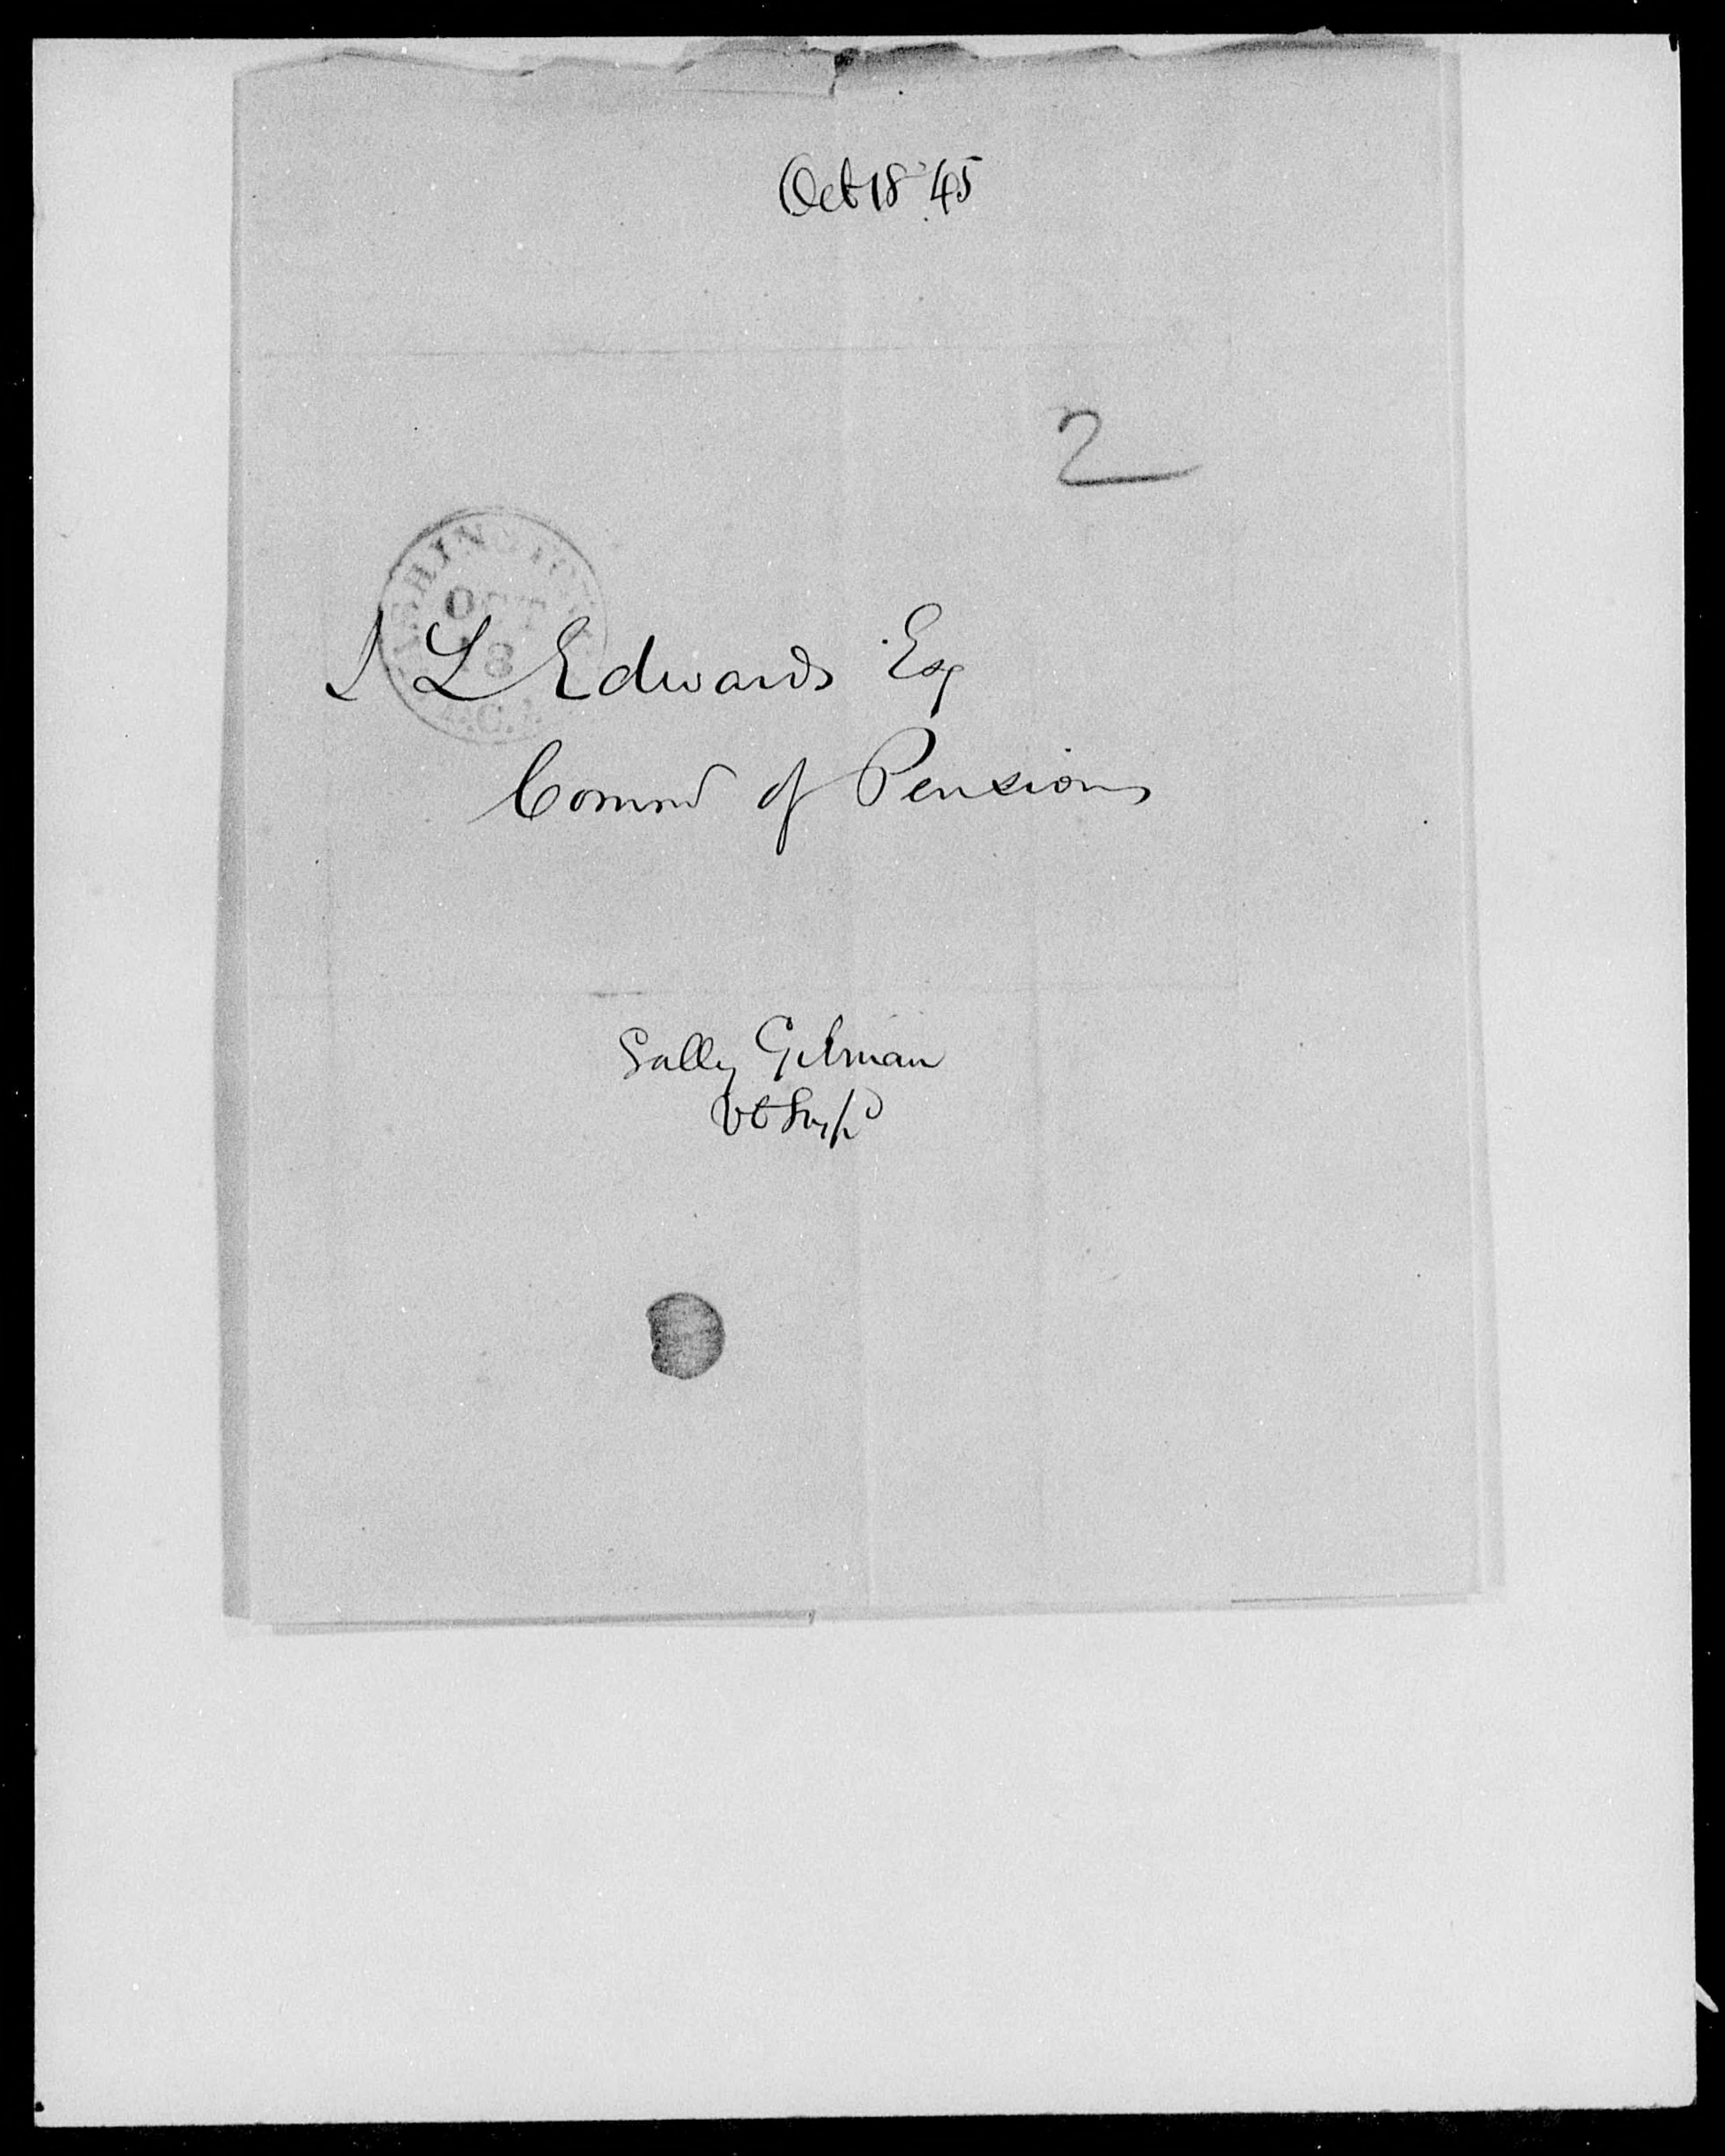Oct 18 45

2

J L Edwards Esq
Comm of Pensions

Sally Gilman
Vt [illeg]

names: Sally Gilman, J L Edwards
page: 51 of 61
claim: widow's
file: W. 19500, Samuel Thing Gilman, Continental N.H.